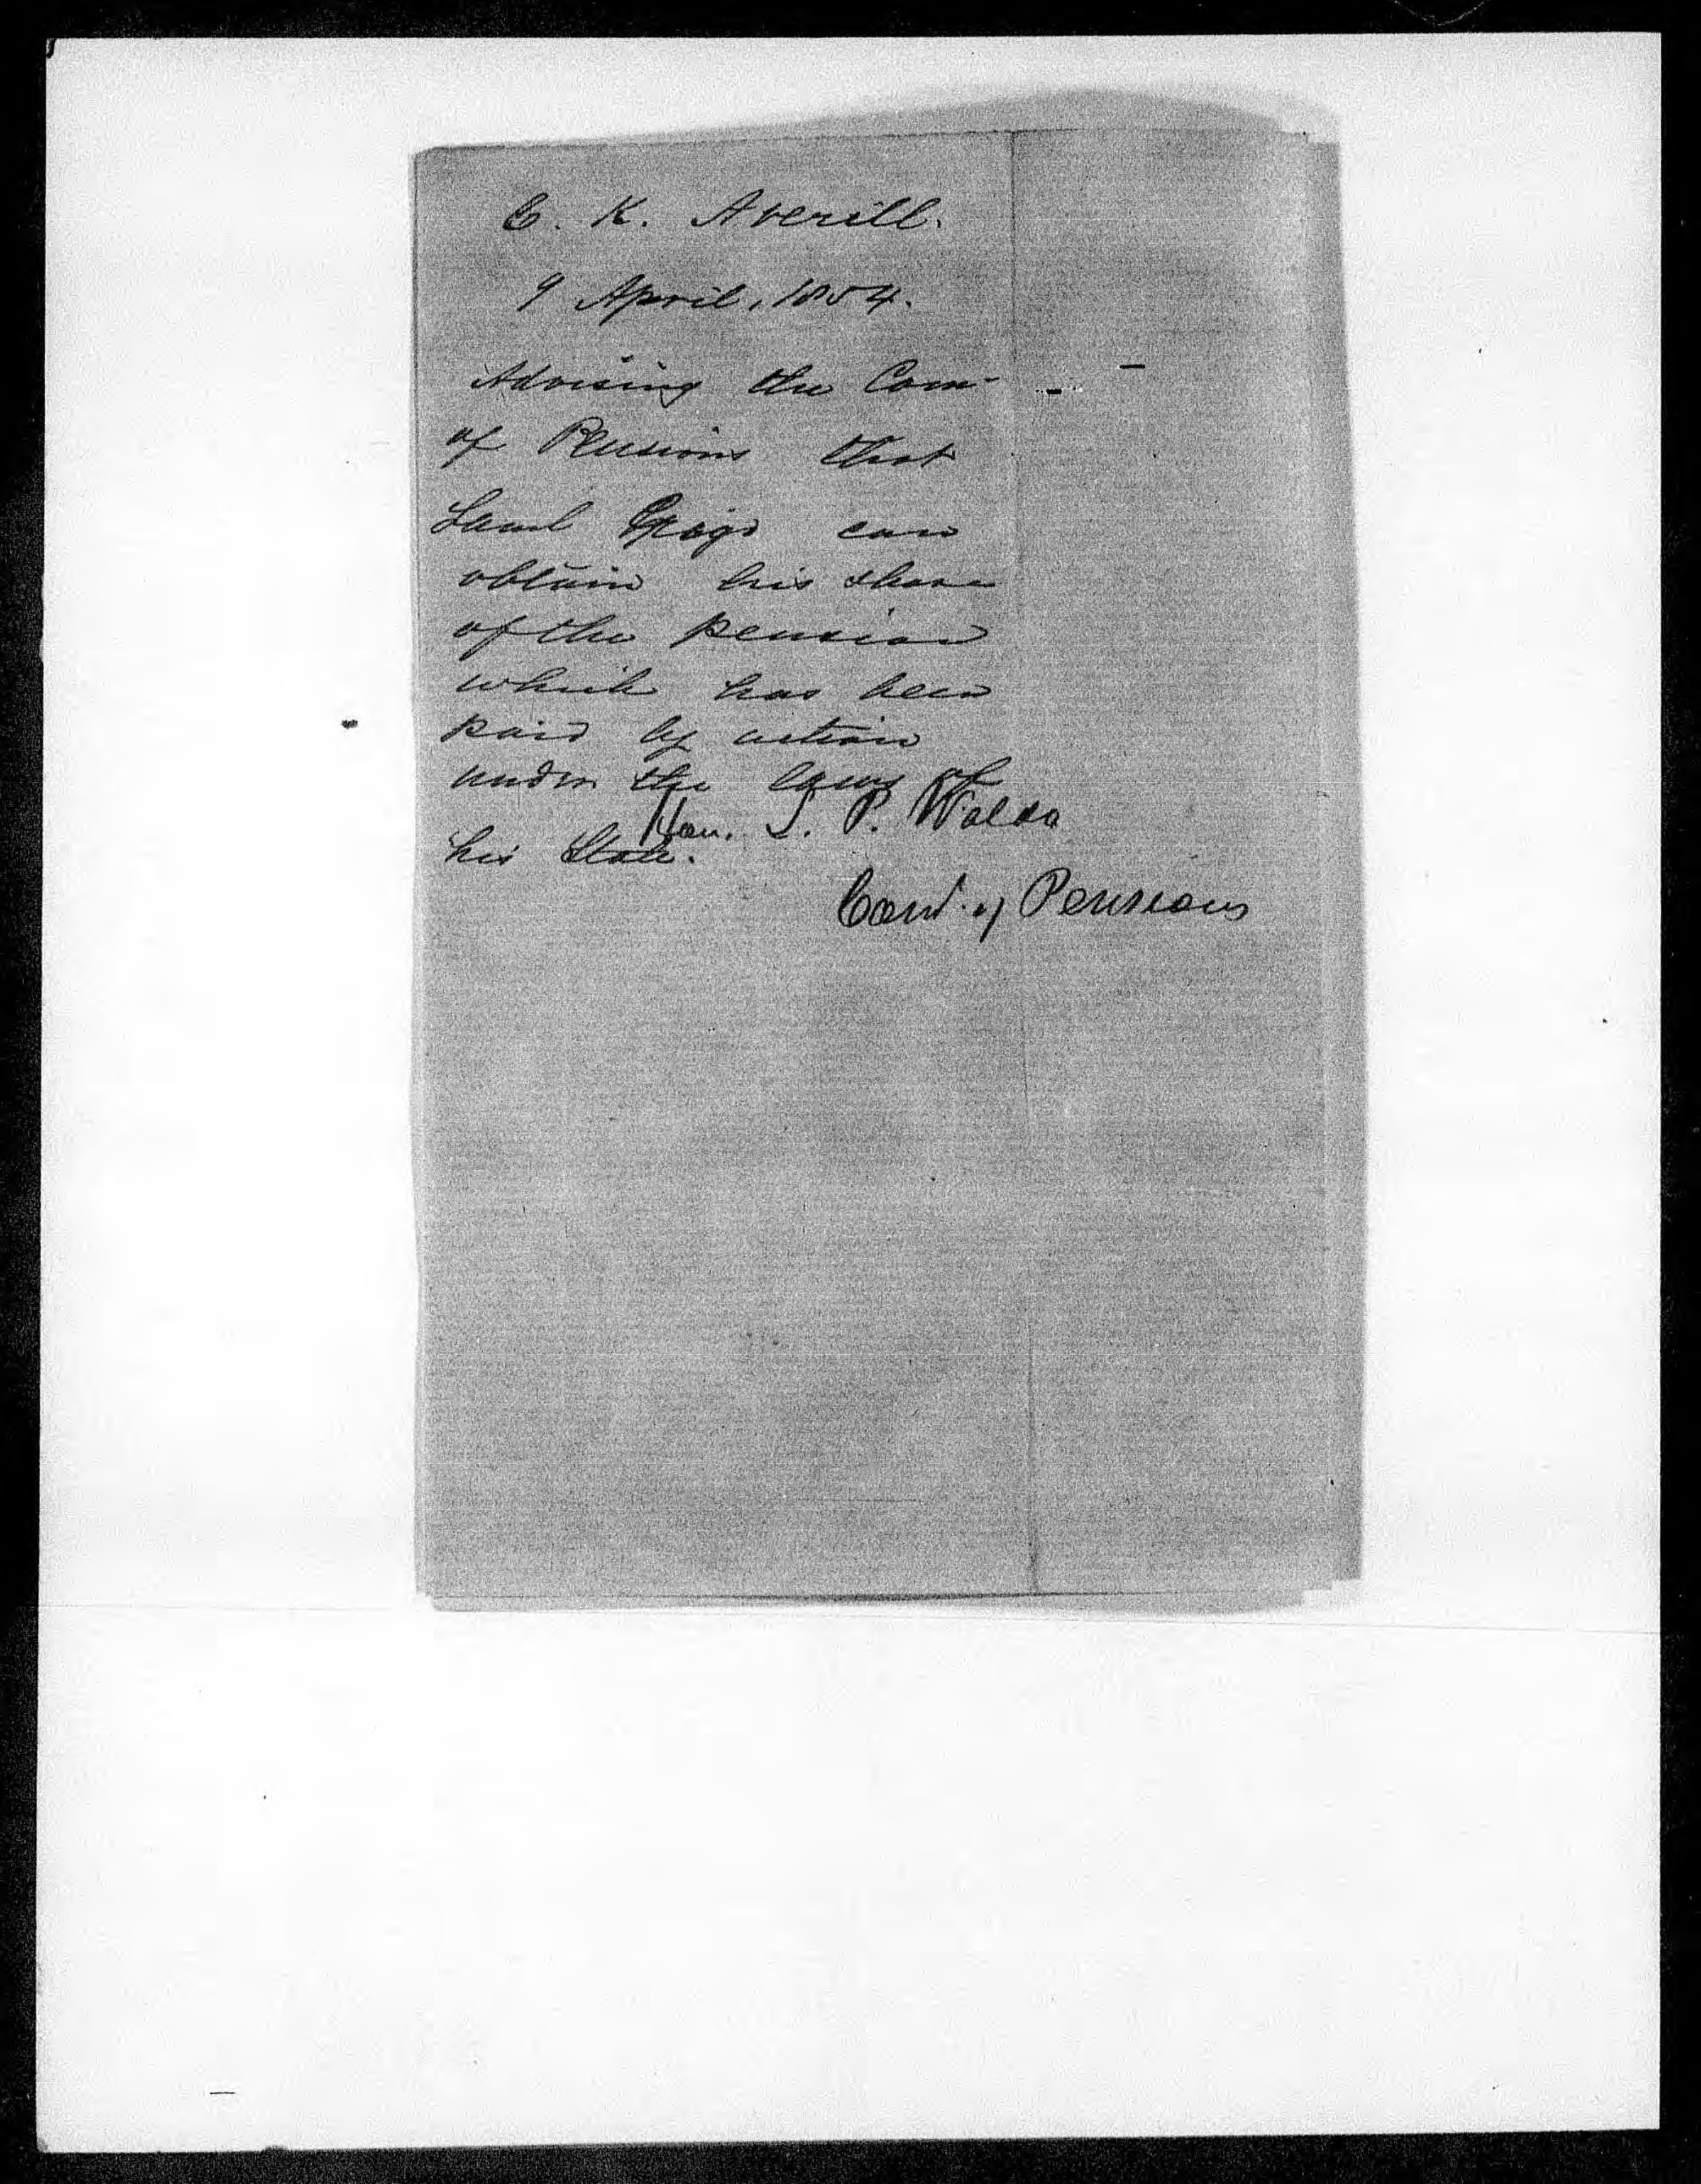C. K. Averill,
9 April 1854
Advising the Com. of Pensions that Saml Gigo can obtain his share of the pension which has been paid by actions under the care of his State.
Hon. J. P. Waldo
Com. of Pensions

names: C K Averill, Saml Gigo, L P Waldo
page: 25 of 98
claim: widow's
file: W. 21182, Francis Gigo, Continental (Canadian)